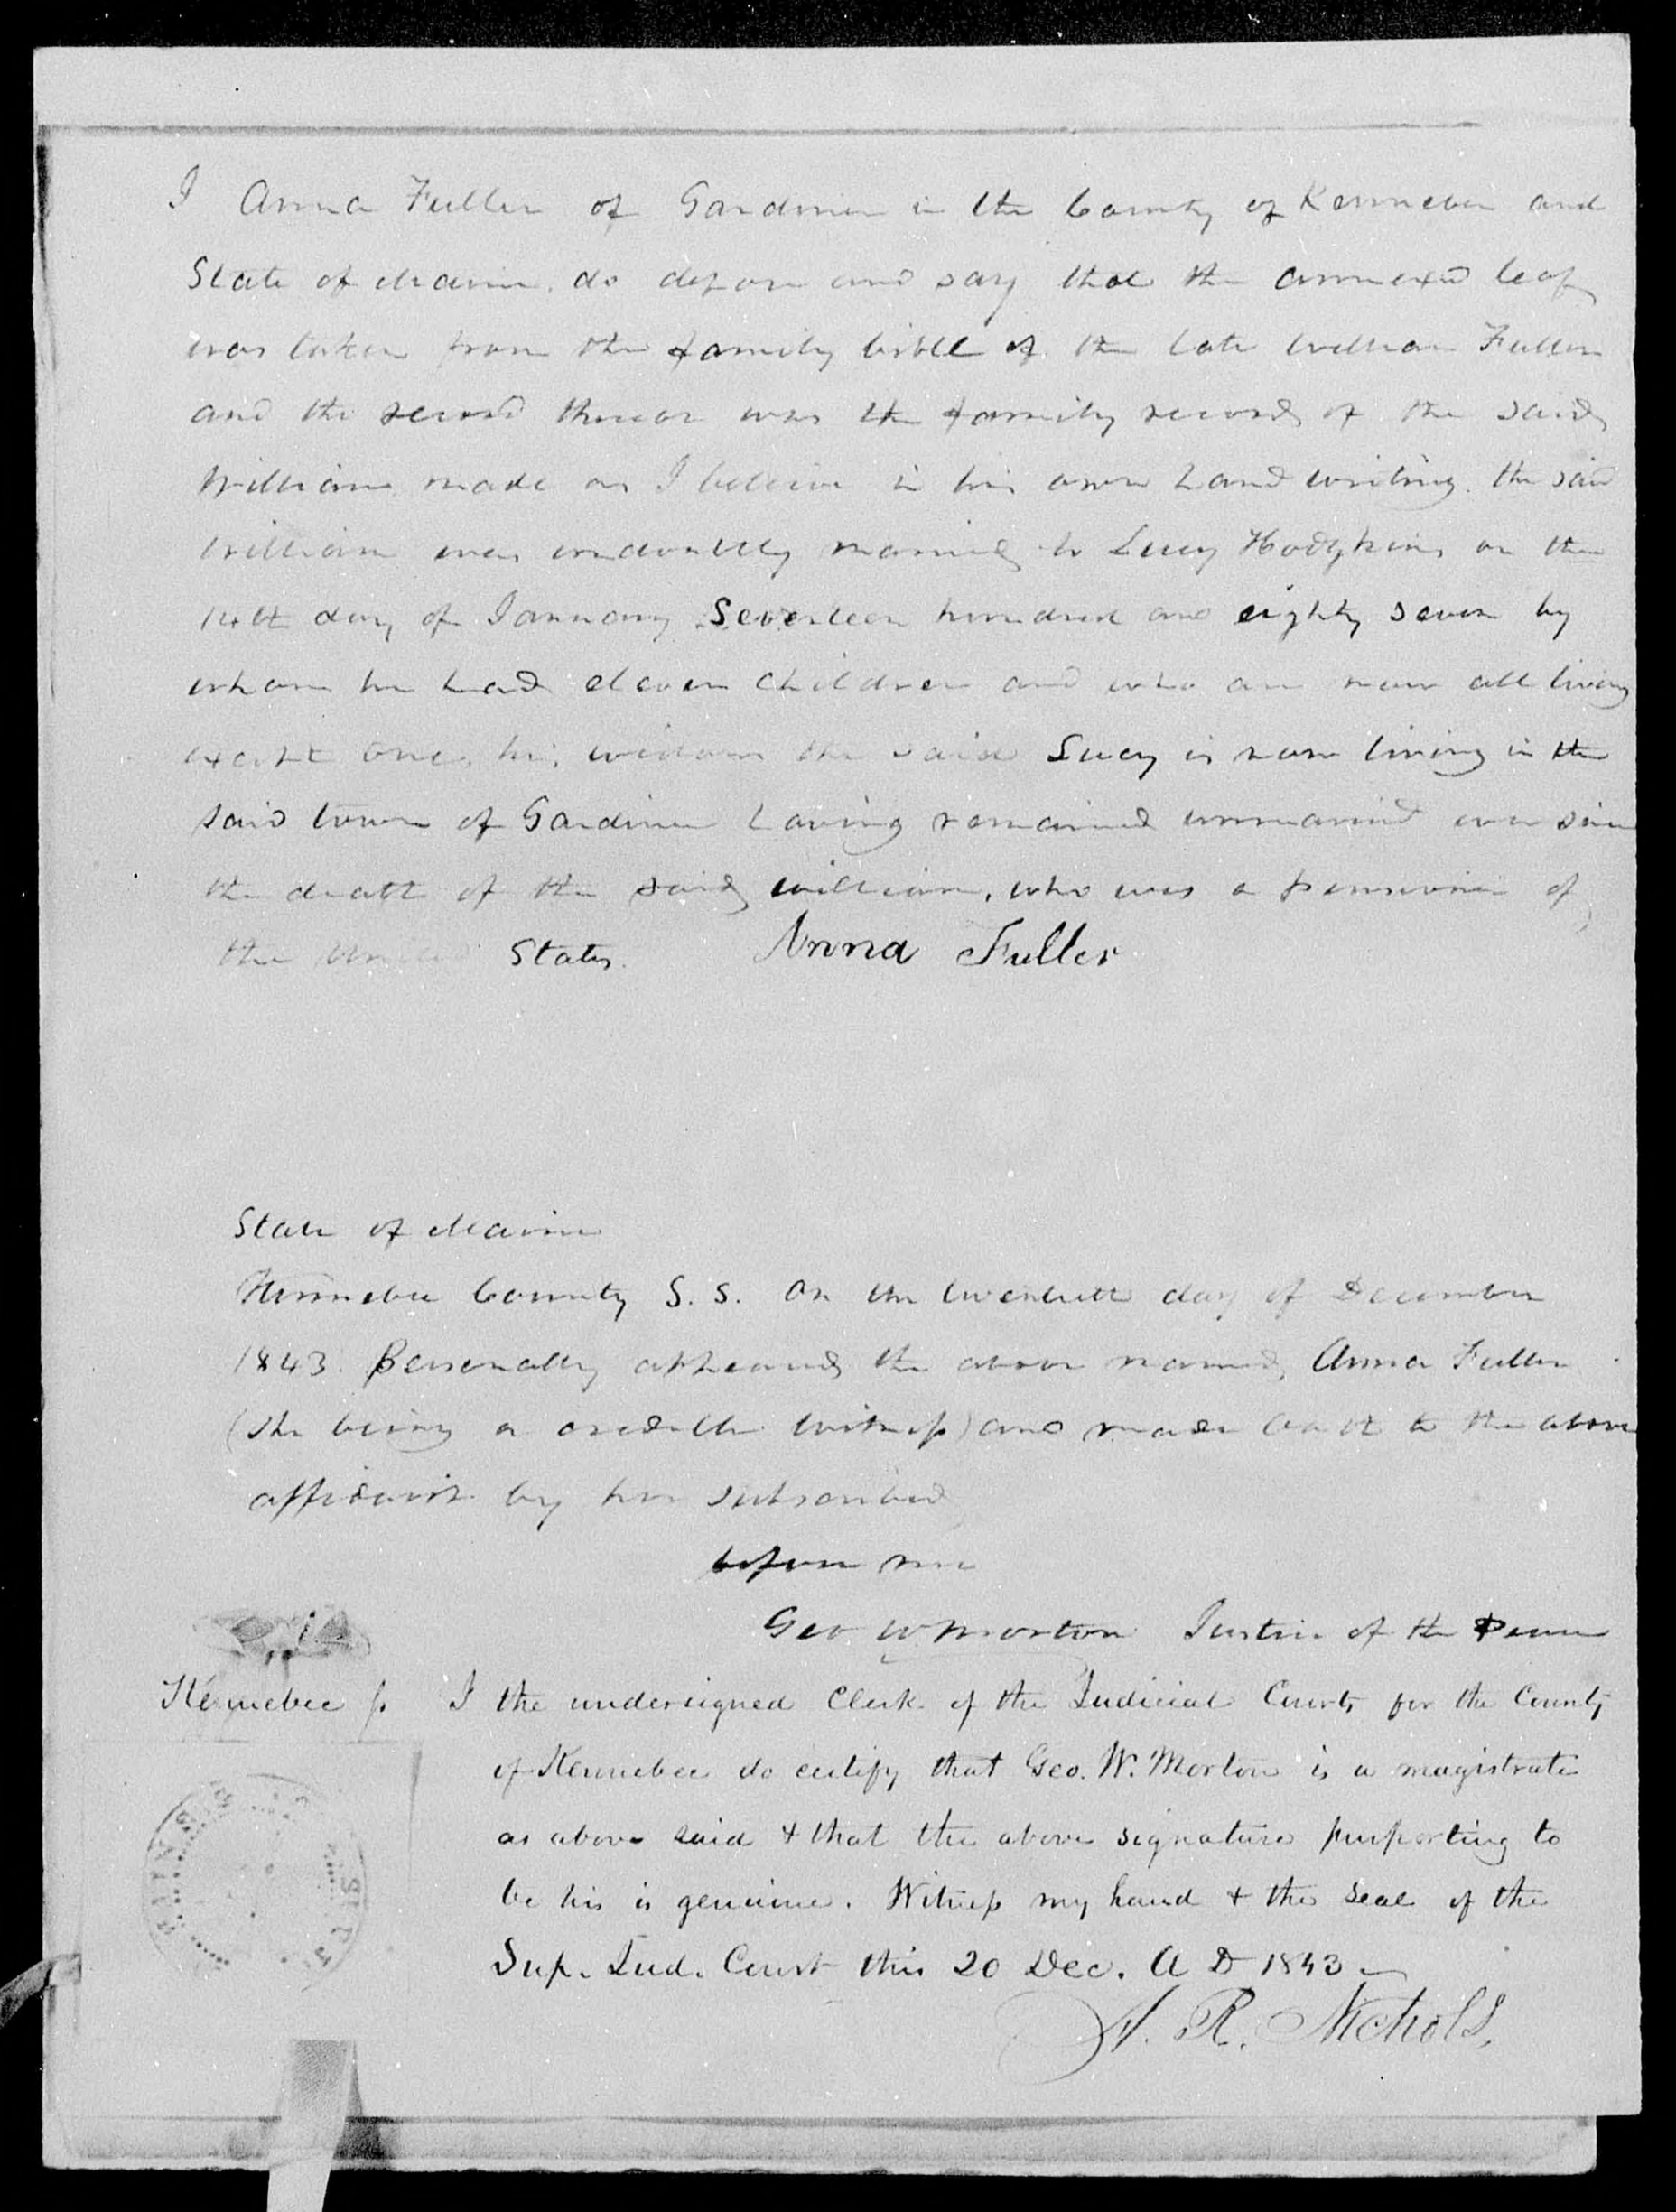I Anna Fuller of Gardiner in the County of Kennebec and State of Maine, do depose and say that the annexed leaf was taken from the family Bible of the late William Fuller and the [illegible] thereon was the family record of the said William made on I believe in his own handwriting, the said William even individually married the Lucy Hodgkins on the 14th day of January seventeen hundred and eighty seven by whom he had eleven children and who are now all living except one, his, widow the said Lucy is now living in the same town of Gardiner having remained unmarried ever since the death of the said William, who was a pensioner of the United States.  Anna Fuller
State of Maine
Kennebec County S. s. on the twentieth day of December 1843 Personally appeared the above named, Anna Fuller (she being a credible witness) and made oath to the above affidavit by her subscribed
Before me
Geo W. Morton Justice of the Peace
Kennebec ss
[affixed: seal & ribbon]
I the undersigned Clerk of the Judicial Courts for the County of Kennebec do certify that Geo. W. Morton is a magistrate as above said & that the above signature purporting to be his is genuine. Witness my hand & the seal of the Sup. Jud. Court this 20 Dec. AD 1843-
A.R. Nichols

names: William, Lucy Hodgkins, Geo W Morton, Lucy, Anna Fuller, William, William Fuller, Geo W Morton, A R Nichols, Anna Fuller, Anna Fuller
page: 14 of 45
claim: widow's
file: W. 17933, William Fuller, Mass